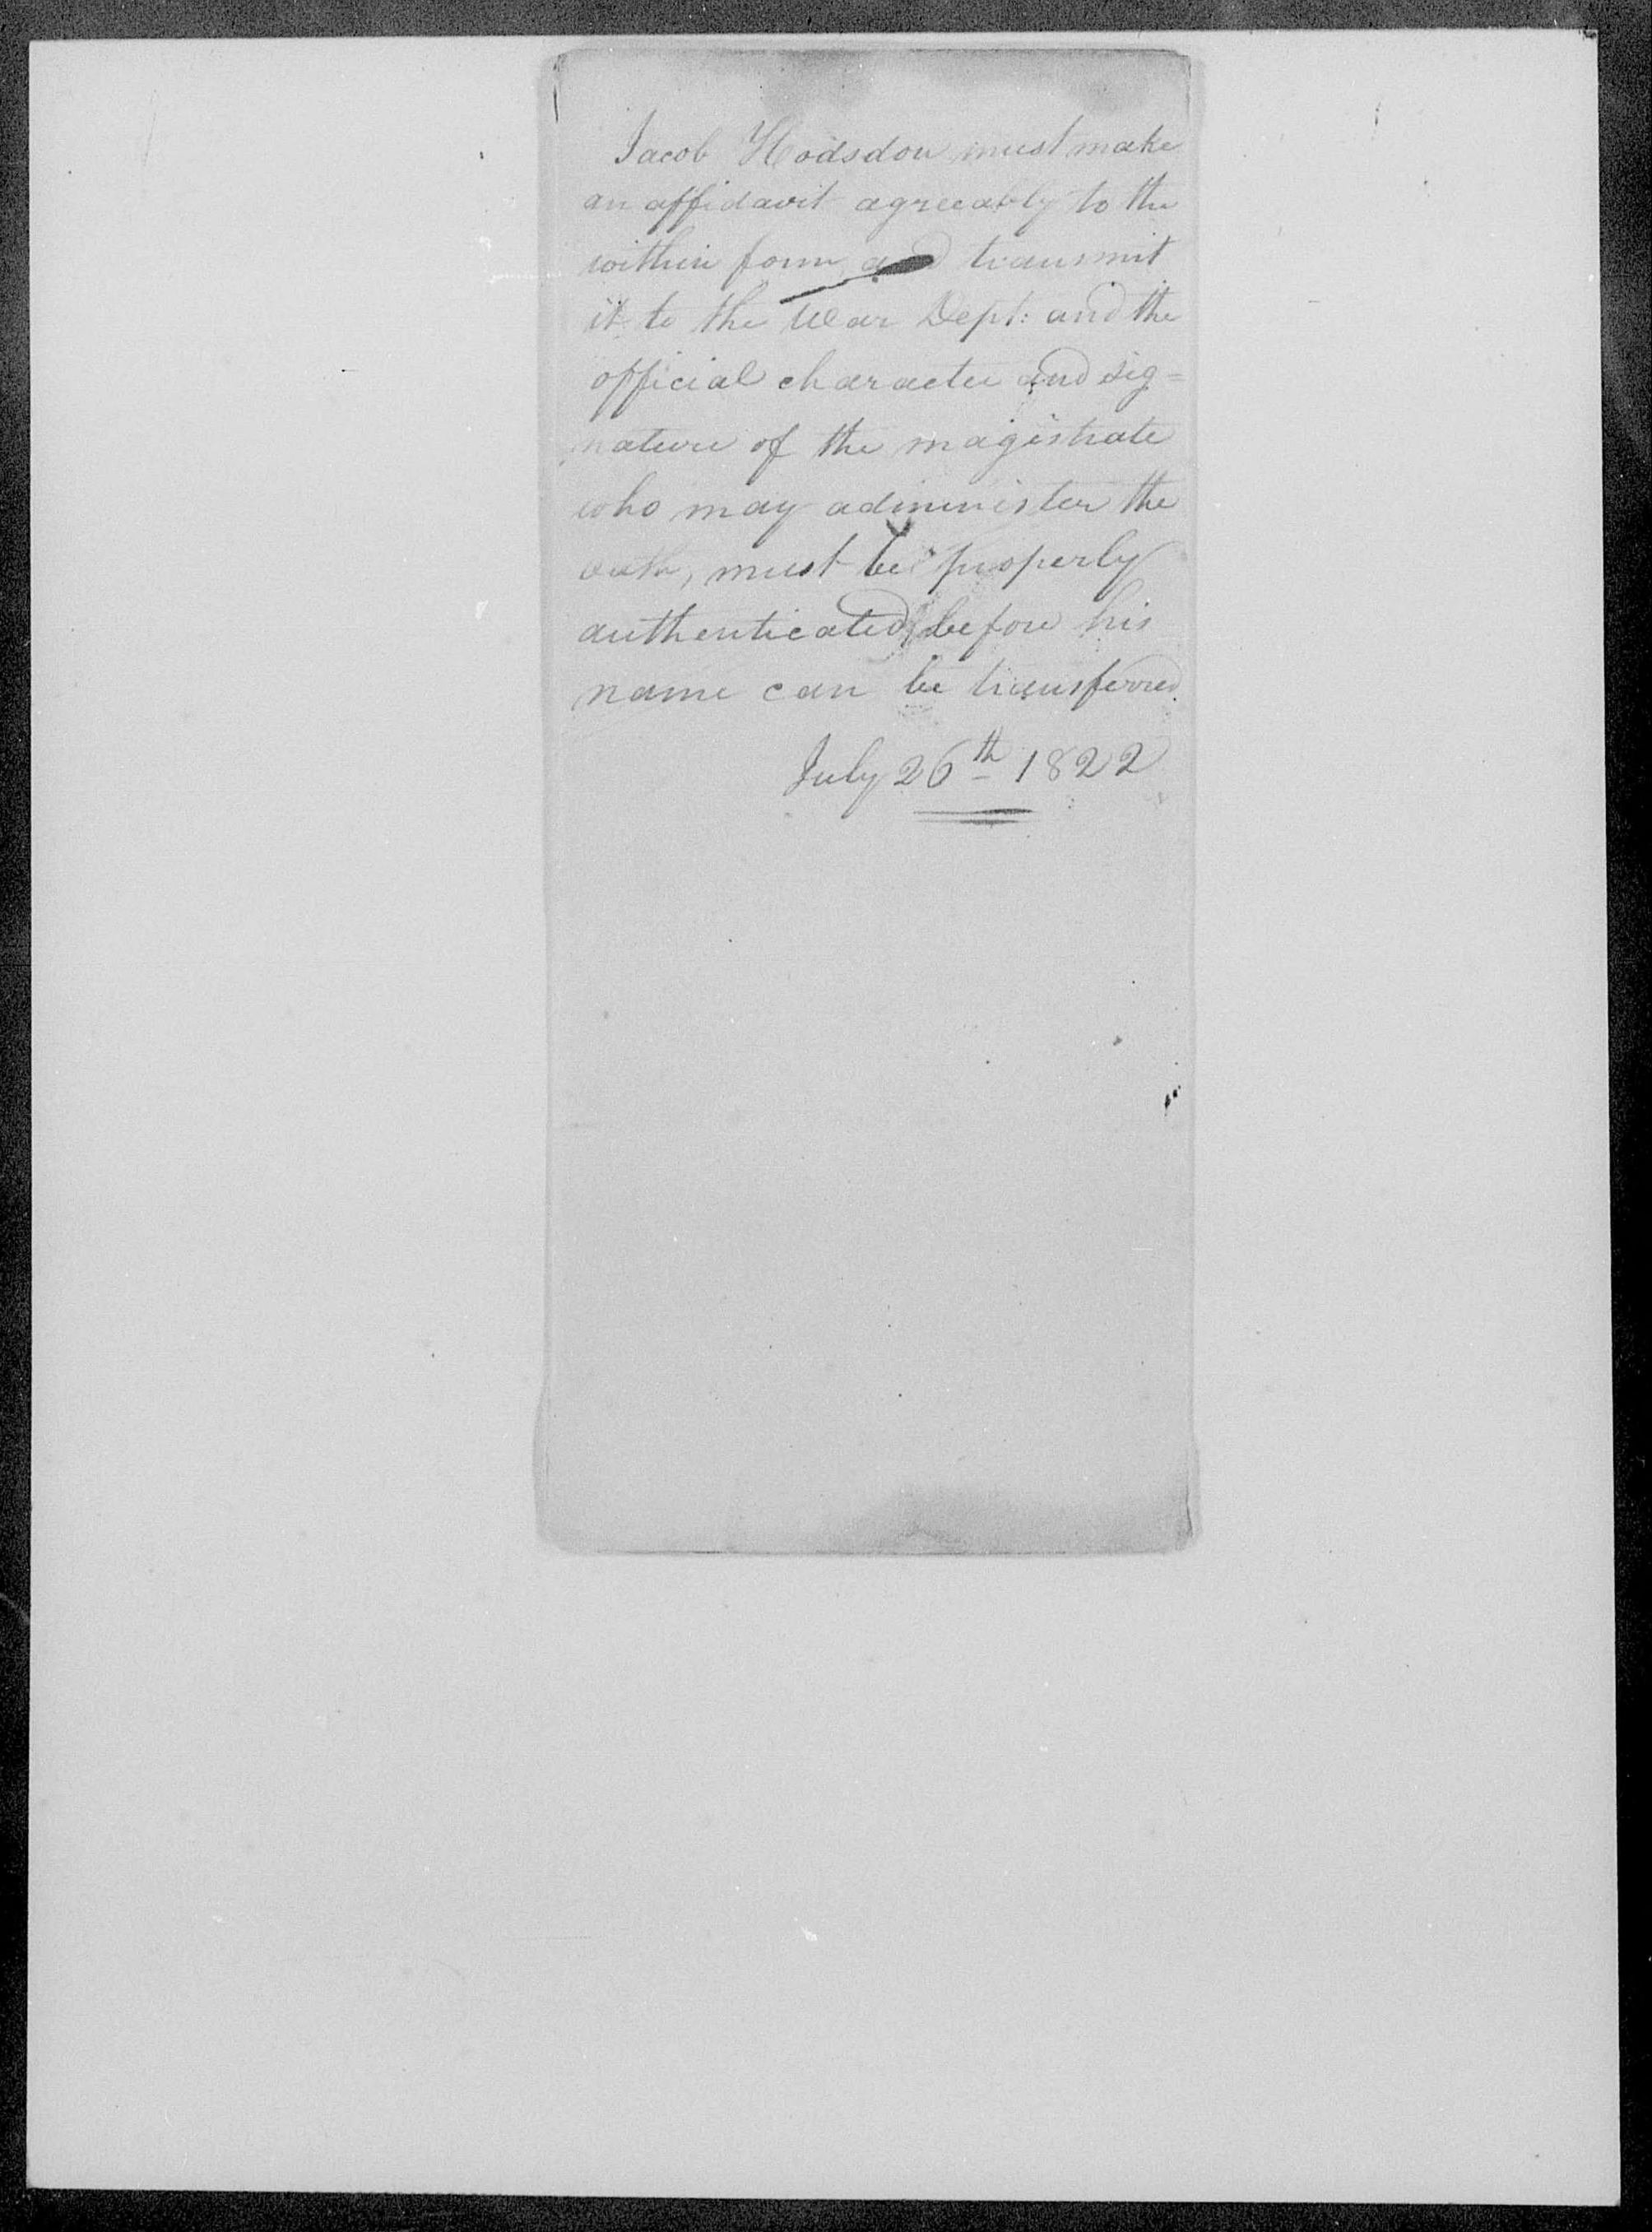Jacob Hodsdon must make
an affidavit agreeably to the
within form and transmit
it to the War Dept. and the
official character and sign and signature of the magistrate who may administer the oath, must be property authenticated before his name can be transferred July 26th 1822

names: Jacob Hodsdon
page: 18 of 22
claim: survivor's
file: S 44445, Jacob Hodsdon, Mass.